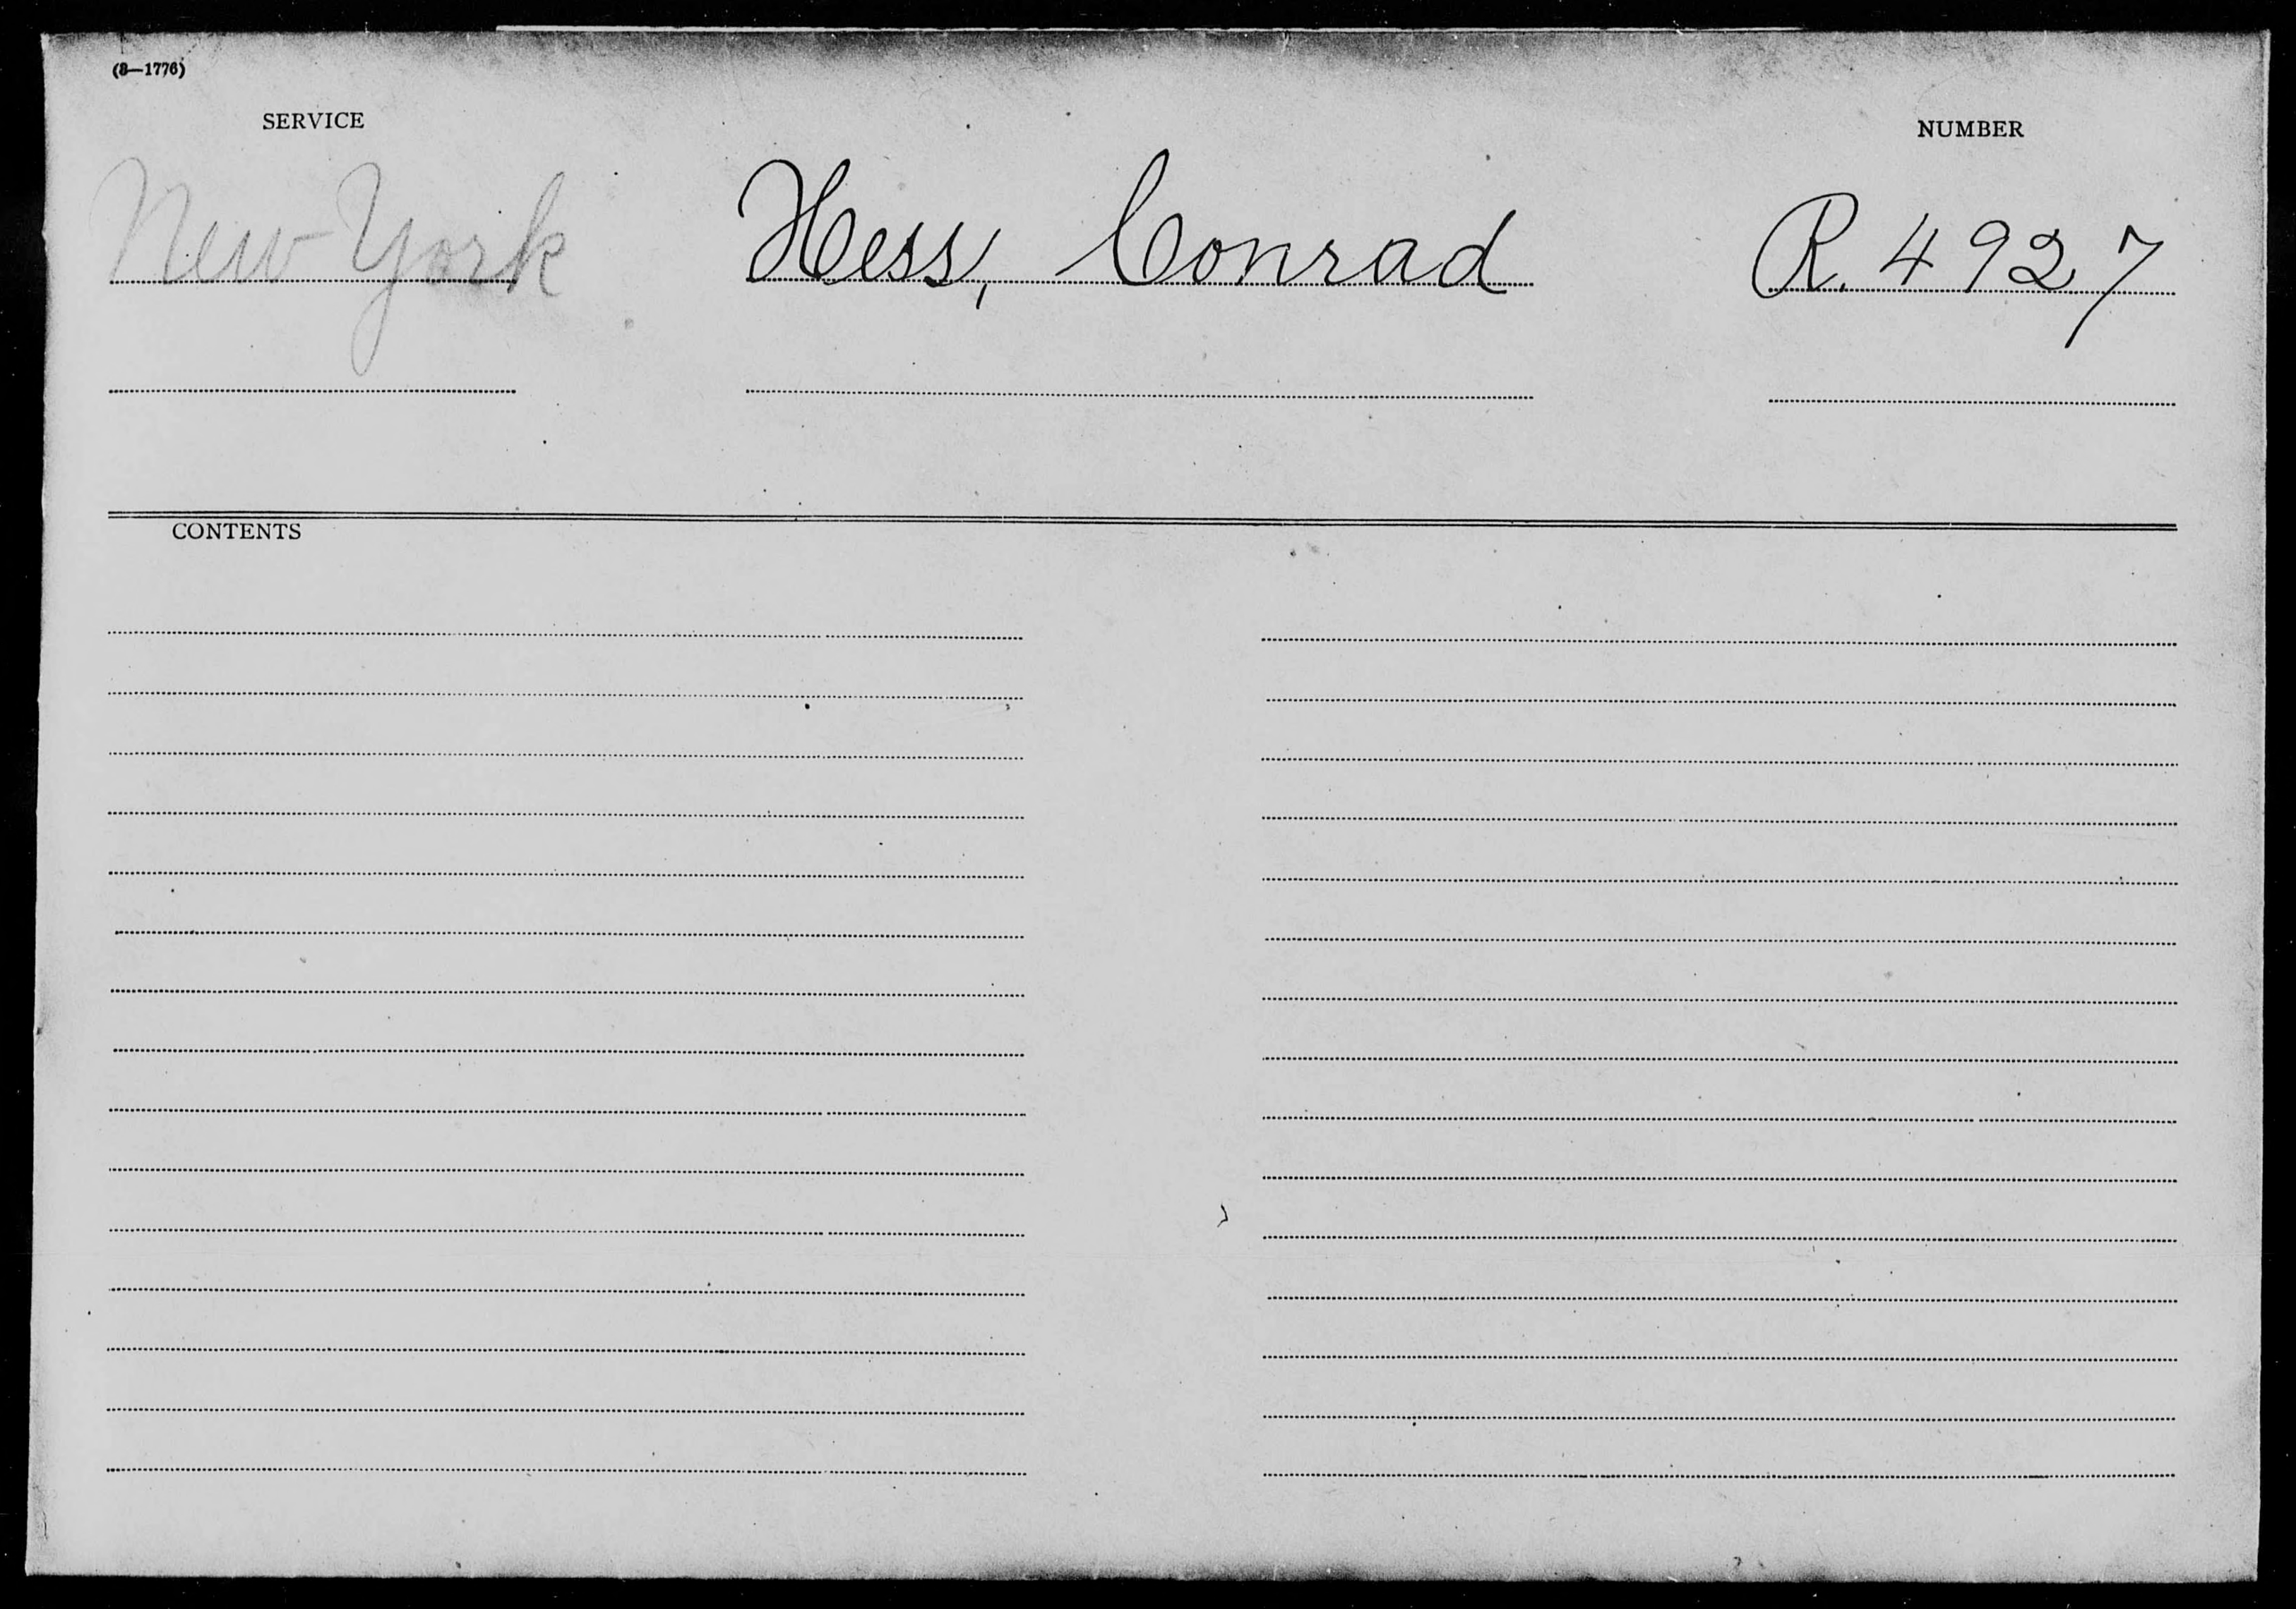{handwritten]

New York
Hess, Conrad
R. 4927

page: 1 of 30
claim: rejected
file: R. 4927, Conrad Hess, New York